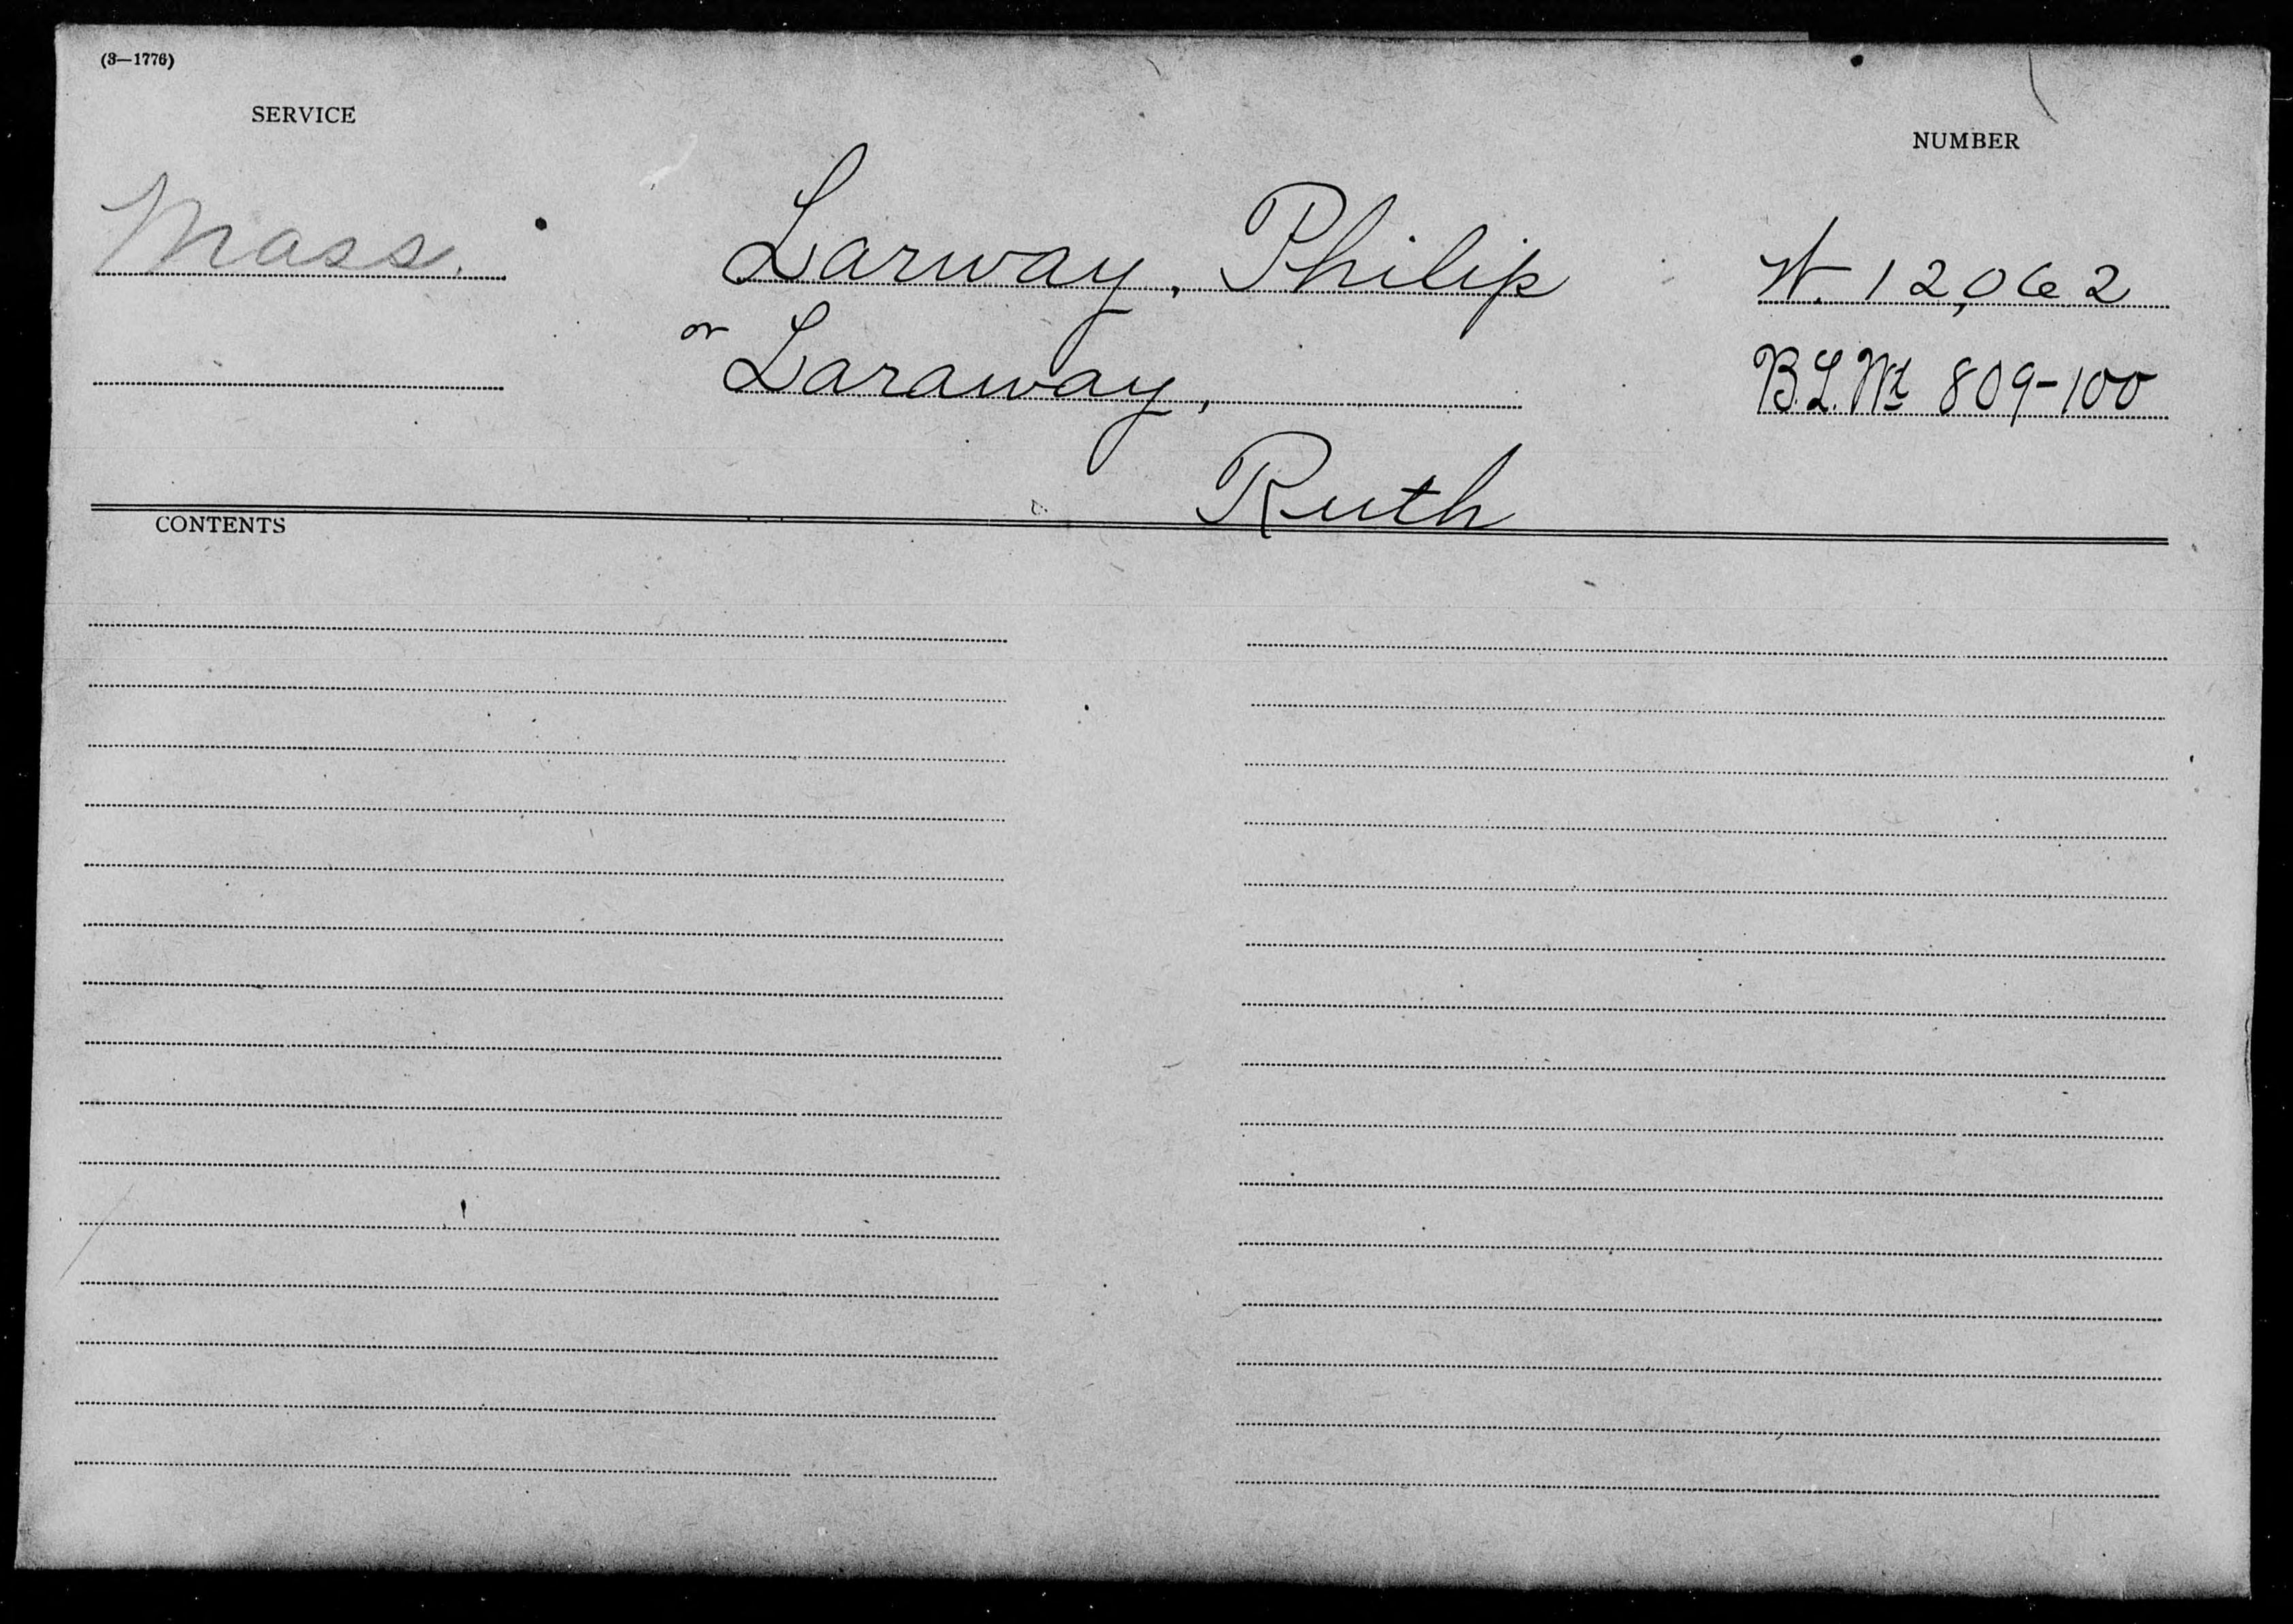(3-1776)

Service
Mass.

Larway, Philip
Laraway, Ruth

Number
W. 12,062
BLWt 809-100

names: Philip Laraway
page: 1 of 41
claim: widow's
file: W. 12,062, for Philip Larway, Massachusetts